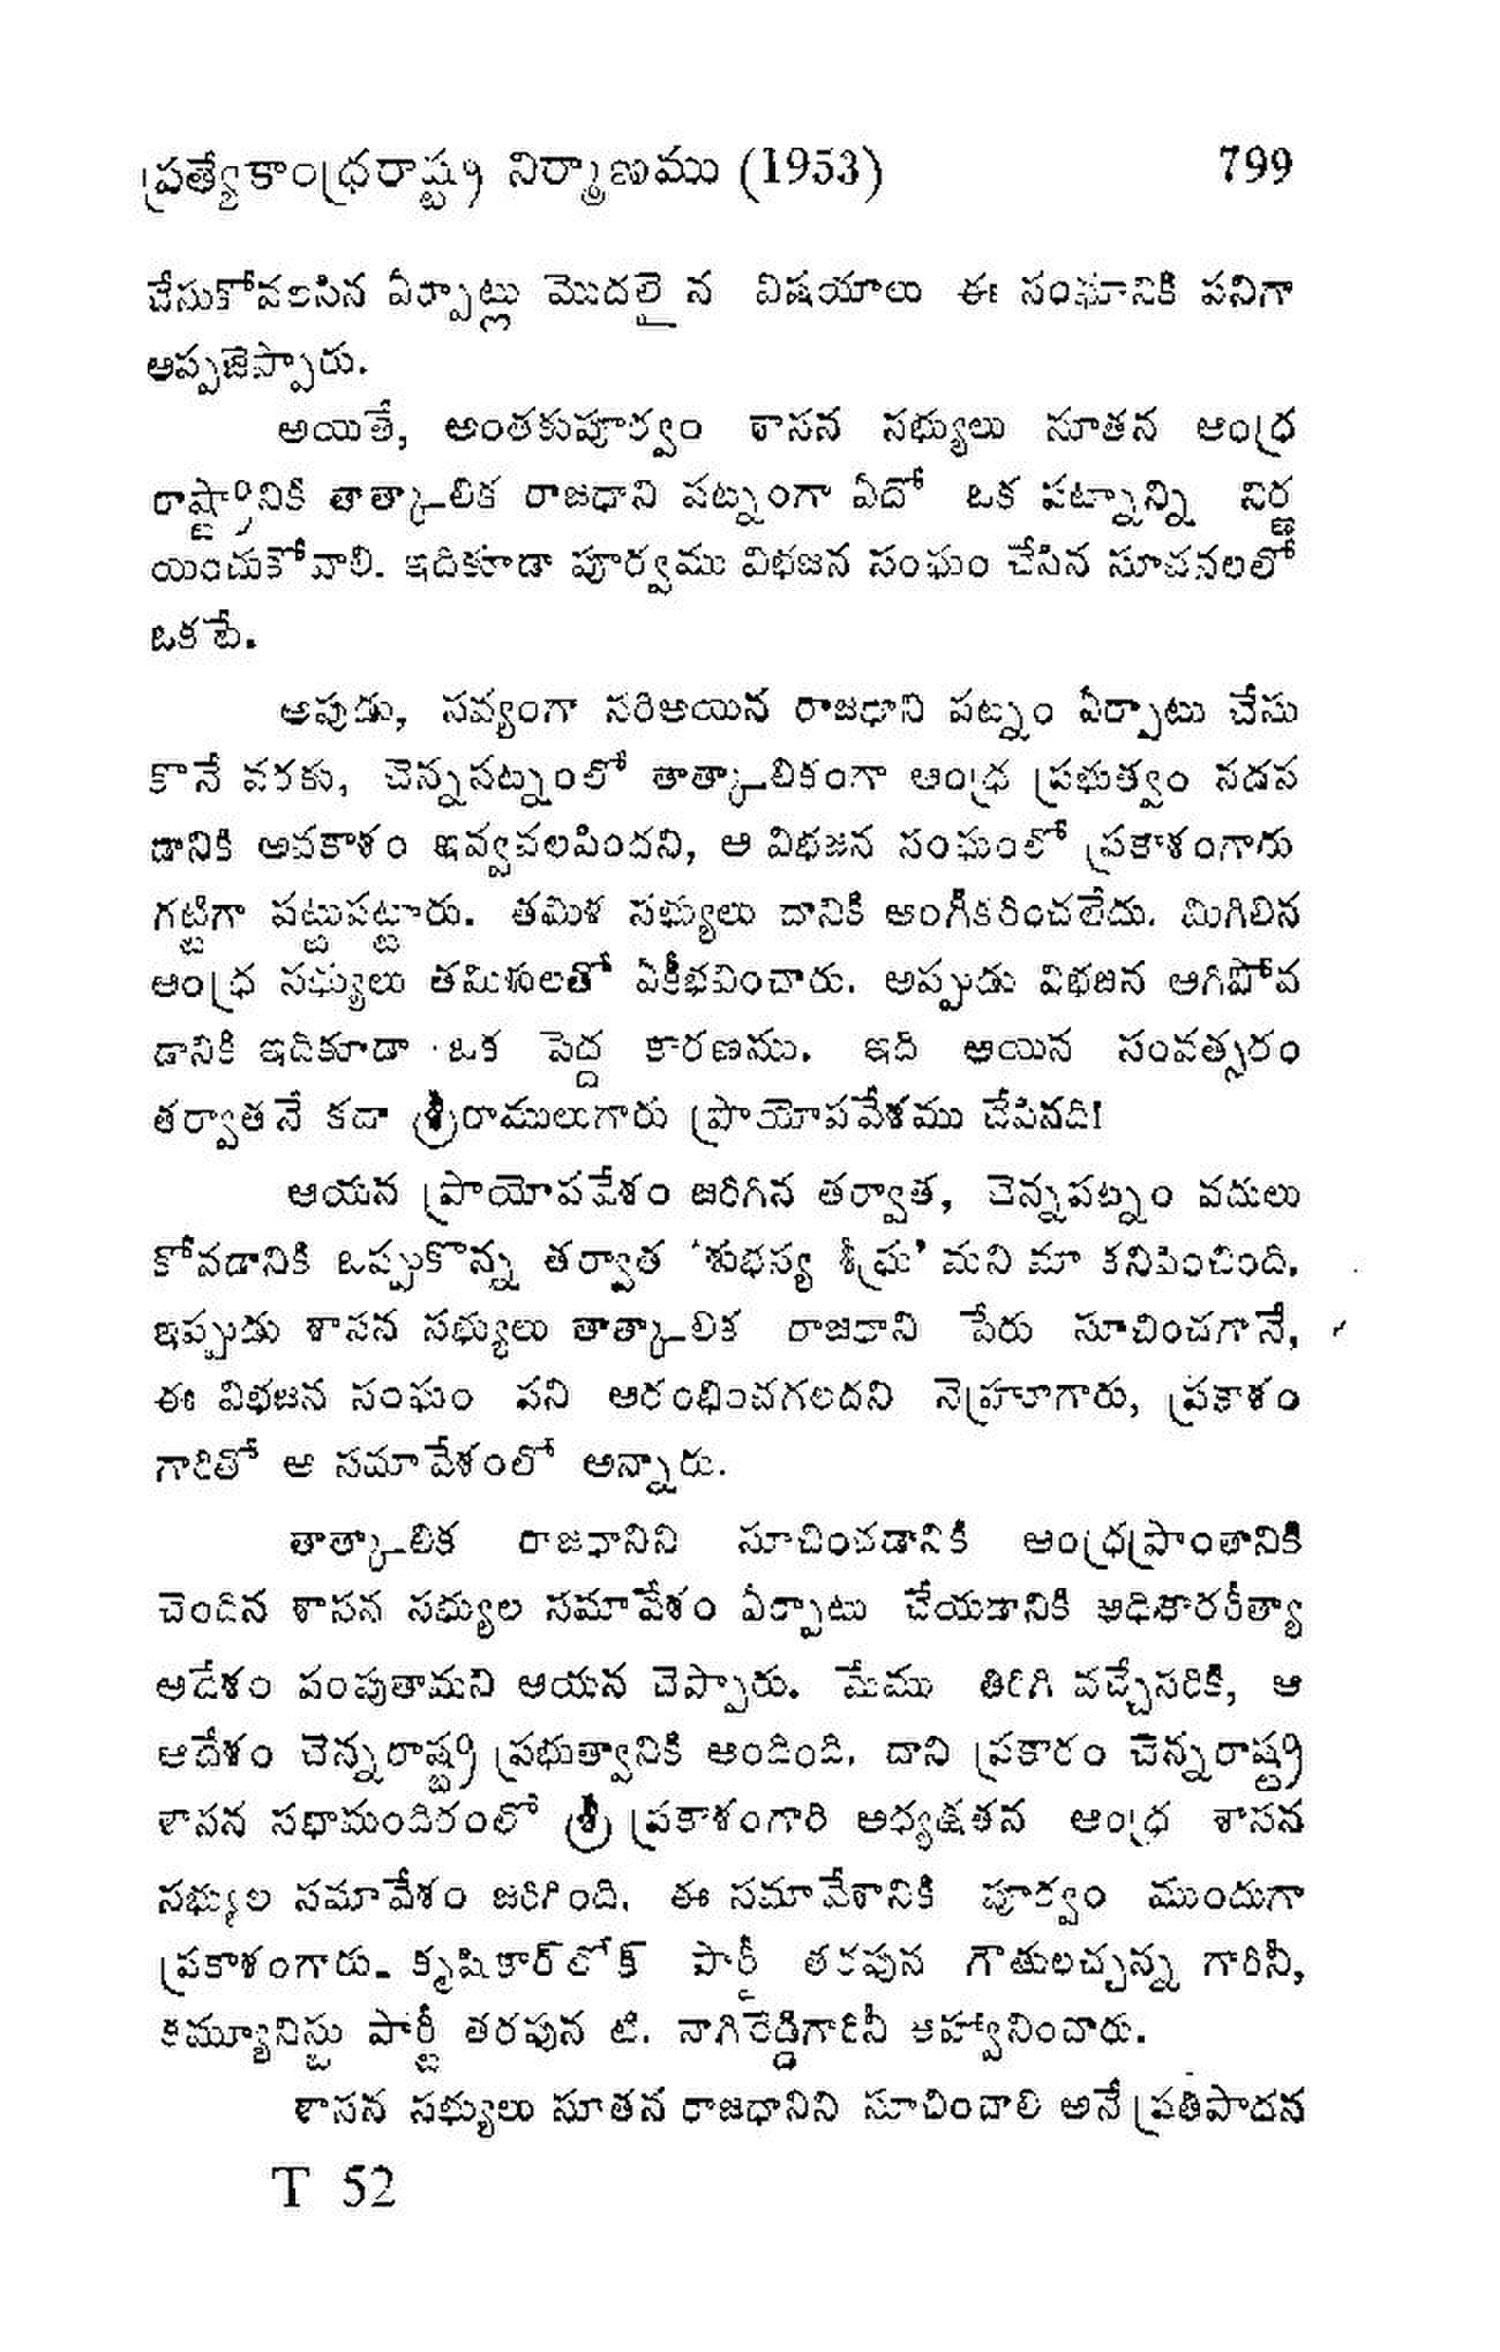చేసుకోవలసిన ఏర్పాట్లు మొదలైన విషయాలు ఈ సంఘానికి పనిగా అప్పజెప్పారు.

అయితే, అంతకుపూర్వం శాసన సభ్యులు నూతన ఆంధ్ర రాష్ట్రానికి తాత్కాలిక రాజధాని పట్నంగా ఏదో ఒక పట్నాన్ని నిర్ణయించుకోవాలి. ఇదికూడా పూర్వము విభజన సంఘం చేసిన సూచనలలో ఒకటే.

అపుడు, సవ్యంగా సరిఅయిన రాజధాని పట్నం ఏర్పాటు చేసుకొనే వరకు, చెన్నపట్నంలో తాత్కాలికంగా ఆంధ్ర ప్రభుత్వం నడపడానికి అవకాశం ఇవ్వవలసిందని, ఆ విభజన సంఘంలో ప్రకాశంగారు గట్టిగా పట్టుపట్టారు. తమిళ సభ్యులు దానికి అంగీకరించలేదు. మిగిలిన ఆంధ్ర సభ్యులు తమిళులతో ఏకీభవించారు. అప్పుడు విభజన ఆగిపోవడానికి ఇదికూడా ఒక పెద్ద కారణము. ఇది అయిన సంవత్సరం తర్వాతనే కదా శ్రీరాములుగారు ప్రాయోపవేశము చేసినది!

ఆయన ప్రాయోపవేశం జరిగిన తర్వాత, చెన్నపట్నం వదులు కోవడానికి ఒప్పుకొన్న తర్వాత 'శుభస్య శీఘ్ర' మని మా కనిపించింది. ఇప్పుడు శాసన సభ్యులు తాత్కాలిక రాజధాని పేరు సూచించగానే, ఈ విభజన సంఘం పని ఆరంభించగలదని నెహ్రూగారు, ప్రకాశంగారితో ఆ సమావేశంలో అన్నారు.

తాత్కాలిక రాజధానిని సూచించడానికి ఆంధ్రప్రాంతానికి చెందిన శాసన సభ్యుల సమావేశం ఏర్పాటు చేయడానికి అధికారరీత్యా ఆదేశం పంపుతామని ఆయన చెప్పారు. మేము తిరిగి వచ్చేసరికి, ఆ ఆదేశం చెన్నరాష్ట్ర ప్రభుత్వానికి అందింది. దాని ప్రకారం చెన్నరాష్ట్ర శాసన సభామందిరంలో శ్రీ ప్రకాశంగారి అధ్యక్షతన ఆంధ్ర శాసన సభ్యుల సమావేశం జరిగింది. ఈ సమావేశానికి పూర్వం ముందుగా ప్రకాశంగారు - కృషికార్‌లోక్ పార్టీ తరపున గౌతులచ్చన్న గారినీ, కమ్యూనిస్టు పార్టీ తరపున టి. నాగిరెడ్డిగారినీ ఆహ్వానించారు.

శాసన సభ్యులు నూతన రాజధానిని సూచించాలి అనే ప్రతిపాదన